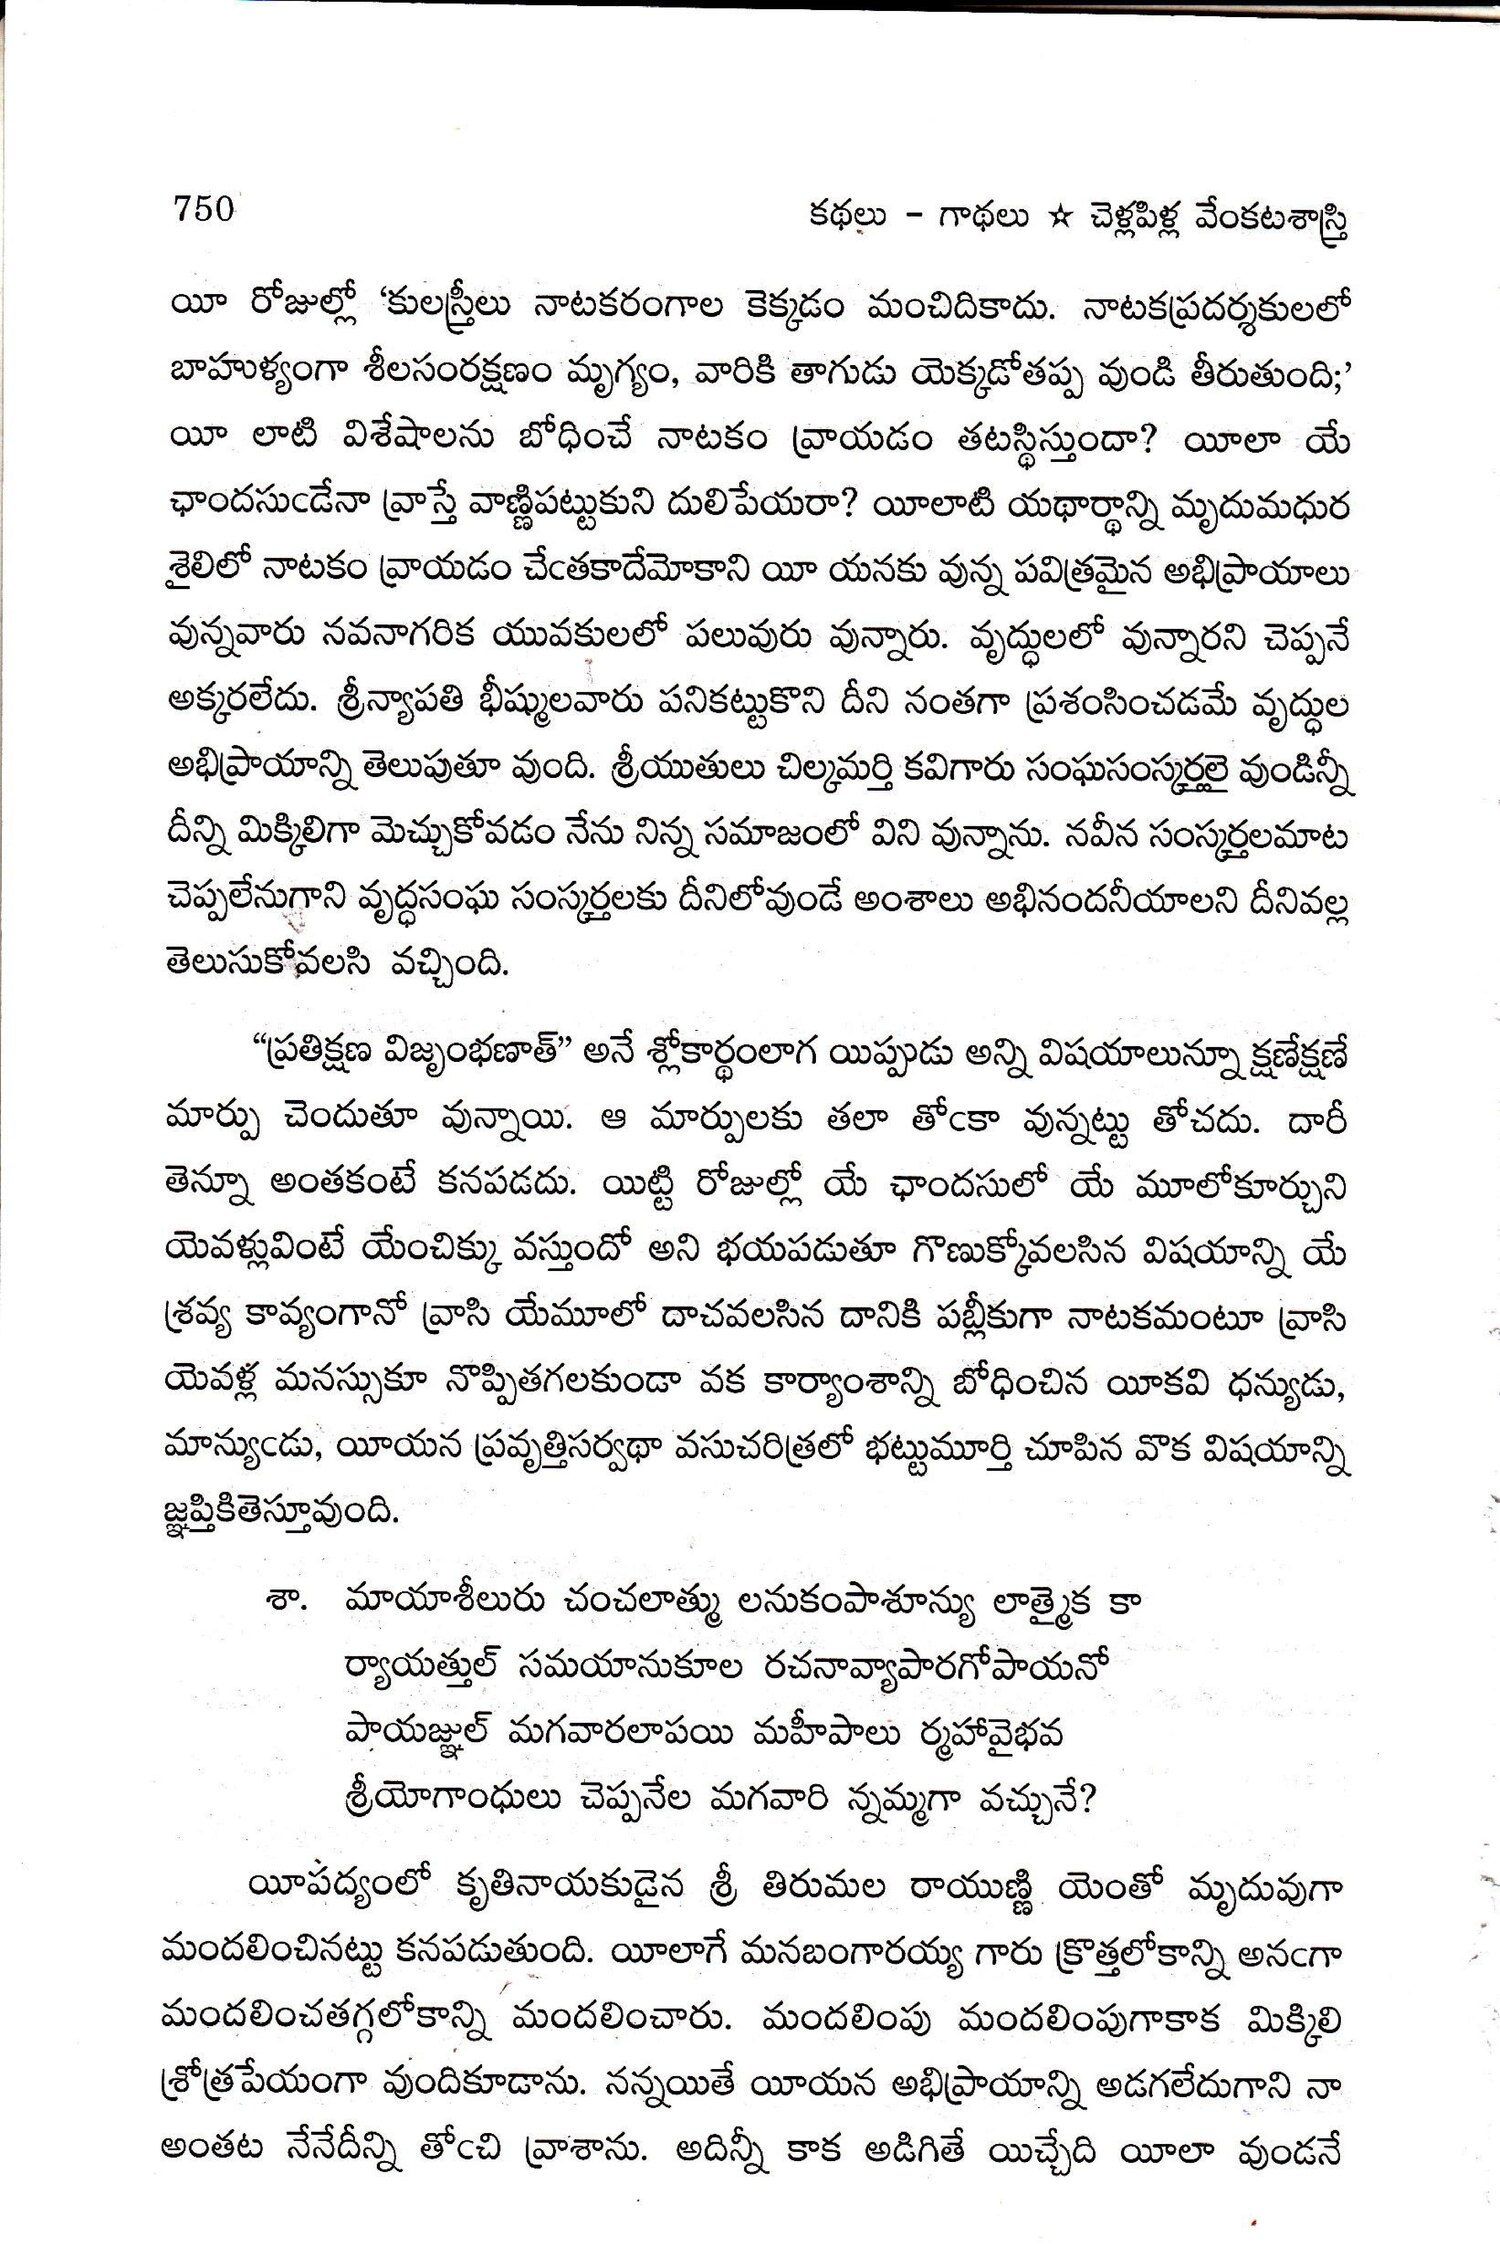యీ రోజుల్లో 'కులస్త్రీలు నాటకరంగాల కెక్కడం మంచిదికాదు. నాటకప్రదర్శకులలో బాహుళ్యంగా శీలసంరక్షణం మృగ్యం, వారికి తాగుడు యెక్కడోతప్ప వుండి తీరుతుంది;' యీ లాటి విశేషాలను బోధించే నాటకం వ్రాయడం తటస్థిస్తుందా? యీలా యే ఛాందసుఁడేనా వ్రాస్తే వాణ్ణిపట్టుకుని దులిపేయరా? యీలాటి యథార్థాన్ని మృదుమధుర శైలిలో నాటకం వ్రాయడం చేఁతకాదేమోకాని యీ యనకు వున్న పవిత్రమైన అభిప్రాయాలు వున్నవారు నవనాగరిక యువకులలో పలువురు వున్నారు. వృద్దులలో వున్నారని చెప్పనే అక్కరలేదు. శ్రీన్యాపతి భీష్ములవారు పనికట్టుకొని దీని నంతగా ప్రశంసించడమే వృద్దుల అభిప్రాయాన్ని తెలుపుతూ వుంది. శ్రీయుతులు చిల్కమర్తి కవిగారు సంఘసంస్కర్తలై వుండిన్నీ దీన్ని మిక్కిలిగా మెచ్చుకోవడం నేను నిన్న సమాజంలో విని వున్నాను. నవీన సంస్కర్తలమాట చెప్పలేనుగాని వృద్ధసంఘ సంస్కర్తలకు దీనిలోవుండే అంశాలు అభినందనీయాలని దీనివల్ల తెలుసుకోవలసి వచ్చింది.

“ప్రతిక్షణ విజృంభణాత్" అనే శ్లోకార్థంలాగ యిప్పుడు అన్ని విషయాలున్నూ క్షణేక్షణే మార్పు చెందుతూ వున్నాయి. ఆ మార్పులకు తలా తోcకా వున్నట్టు తోచదు. దారీ తెన్నూ అంతకంటే కనపడదు. యిట్టి రోజుల్లో యే ఛాందసులో యే మూలోకూర్చుని యెవళ్లువింటే యేంచిక్కు వస్తుందో అని భయపడుతూ గొణుక్కోవలసిన విషయాన్ని యే శ్రవ్య కావ్యంగానో వ్రాసి యేమూలో దాచవలసిన దానికి పబ్లీకుగా నాటకమంటూ వ్రాసి యెవళ్ల మనస్సుకూ నొప్పితగలకుండా వక కార్యాంశాన్ని బోధించిన యీకవి ధన్యుడు, మాన్యుఁడు, యాయన ప్రవృత్తిసర్వథా వసుచరిత్రలో భట్టుమూర్తి చూపిన వొక విషయాన్ని జ్ఞప్తికితెస్తూవుంది.

శా. మాయాశీలురు చంచలాత్ము లనుకంపాశూన్య లాత్మైక కా
 ర్యాయత్తుల్ సమయానుకూల రచనావ్యాపారగోపాయనో 
 పాయజ్ఞుల్ మగవారలాపయి మహీపాలు ర్మహావైభవ 
 శ్రీయోగాంధులు చెప్పనేల మగవారి న్నమ్మగా వచ్చునే?
యీపద్యంలో కృతినాయకుడైన శ్రీ తిరుమల రాయుణ్ణి యెంతో మృదువుగా మందలించినట్టు కనపడుతుంది. యీలాగే మనబంగారయ్య గారు క్రొత్తలోకాన్ని అనఁగా మందలించతగ్గలోకాన్ని మందలించారు. మందలింపు మందలింపుగాకాక మిక్కిలి శ్రోత్రపేయంగా వుందికూడాను. నన్నయితే యీయన అభిప్రాయాన్ని అడగలేదుగాని నా అంతట నేనేదీన్ని తోఁచి వ్రాశాను. అదిన్నీ కాక అడిగితే యిచ్చేది యీలా వుండనే